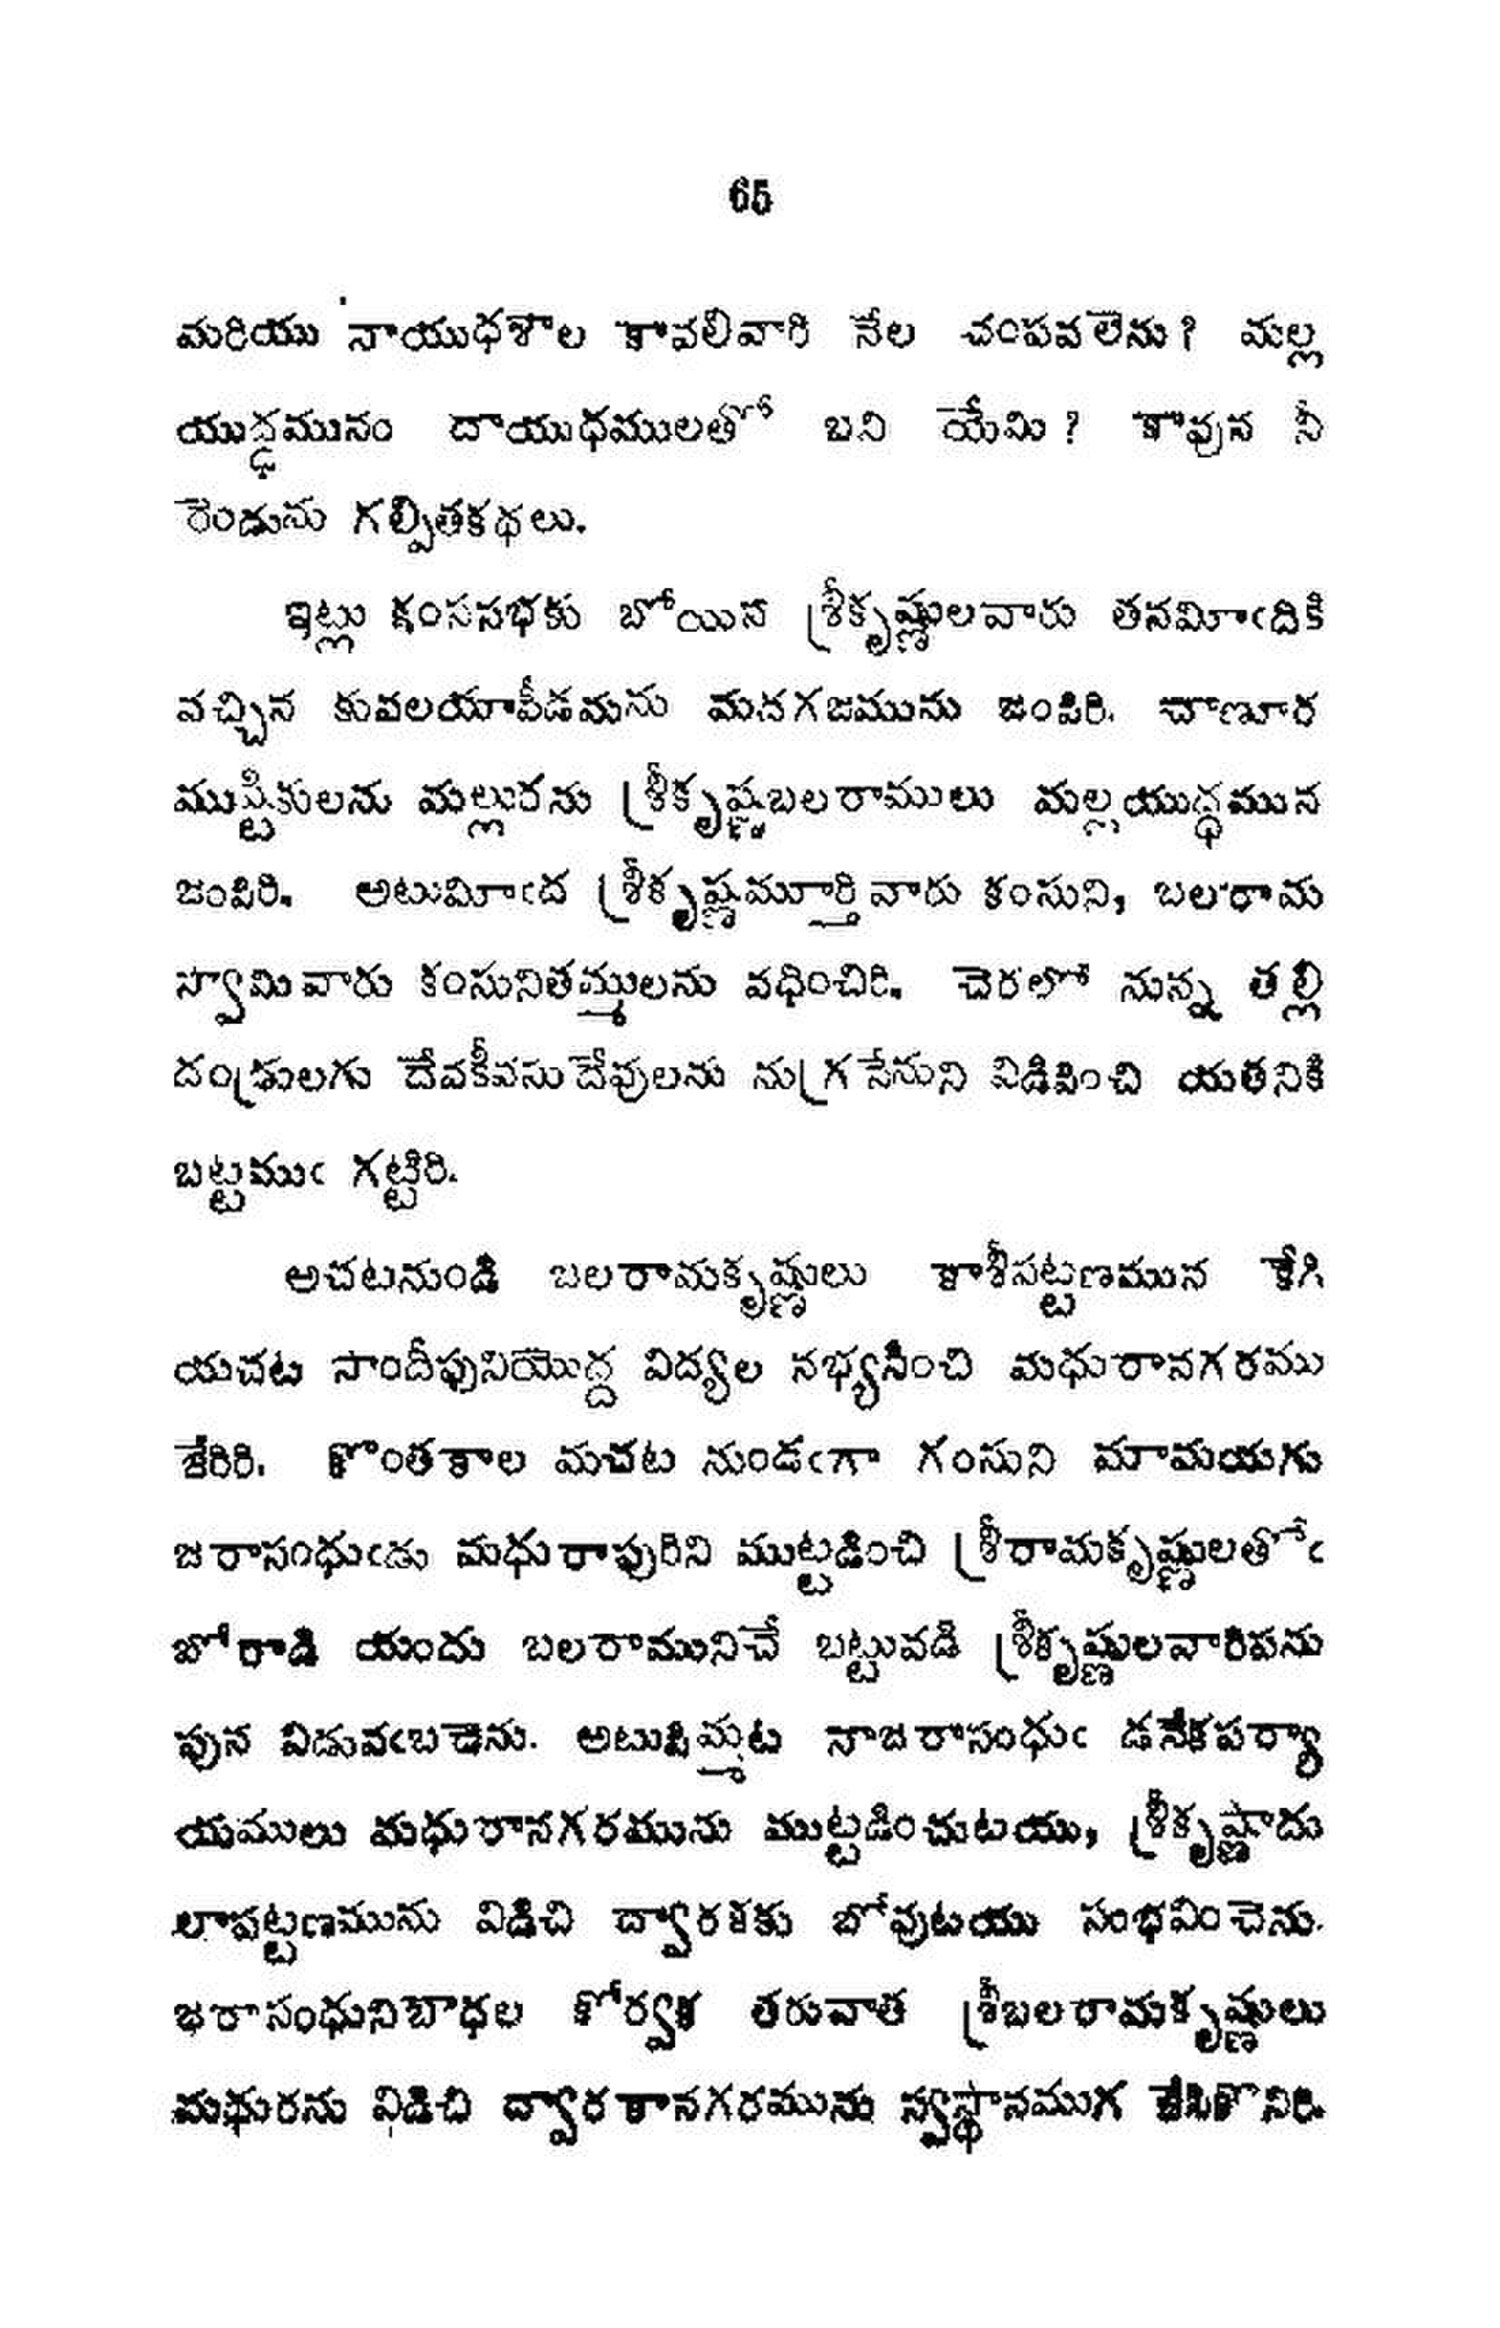మరియు నాయుధశాల కావలివారి నేల చంపవలెను ? మల్ల యుద్ధమునం దాయుధములతో బని యేమి ! కావున నీ రెండును గల్పితకథలు.

ఇట్లు కంససభకు బోయిన శ్రీకృష్ణులవారు తనమీఁదికి వచ్చిన కువలయాపీడమను మదగజమును జంపిరి. చాణూర ముష్టికులను మల్లురను శ్రీకృష్ణబలరాములు మల్లయుద్ధమున జంపిరి. అటుమీఁద శ్రీకృష్ణమూర్తివారు కంసుని, బలరామస్వామివారు కంసునితమ్ములను వధించి, చెరలో నున్న తల్లి
దండ్రులగు దేవకీవసుదేవులను నుగ్రసేనుని విడిపించి యతనికి బట్టముఁ గట్టిరి.

అచటనుండి బలరామకృష్ణులు కాశీపట్టణమున కేగి యచట సాందీపునియొద్ద విద్యల నభ్యసించి మధురానగరము జేరిరి. కొంతకాల మచట నుండఁగా గంసుని మామయగు జరాసంధుఁడు మధురాపురిని ముట్టడించి శ్రీరామకృష్ణులతోఁ బోరాడి యందు బలరామునిచే బట్టువడి శ్రీకృష్ణులవారిపనుపున విడువఁబడెను. అటుపిమ్మట నాజరాసంధుఁ డనేకపర్యాయములు మధురానగరమును ముట్టడించుటయు, శ్రీకృష్ణాదు లాపట్టణమును విడిచి ద్వారకకు బోవుటయు సంభవించెను. జరాసంధునిబాధల కోర్వక తరువాత శ్రీబలరామకృష్ణులు మధురను విడిచి ద్వారకానగరమును స్వస్థానముగ జేసికొనిరి.